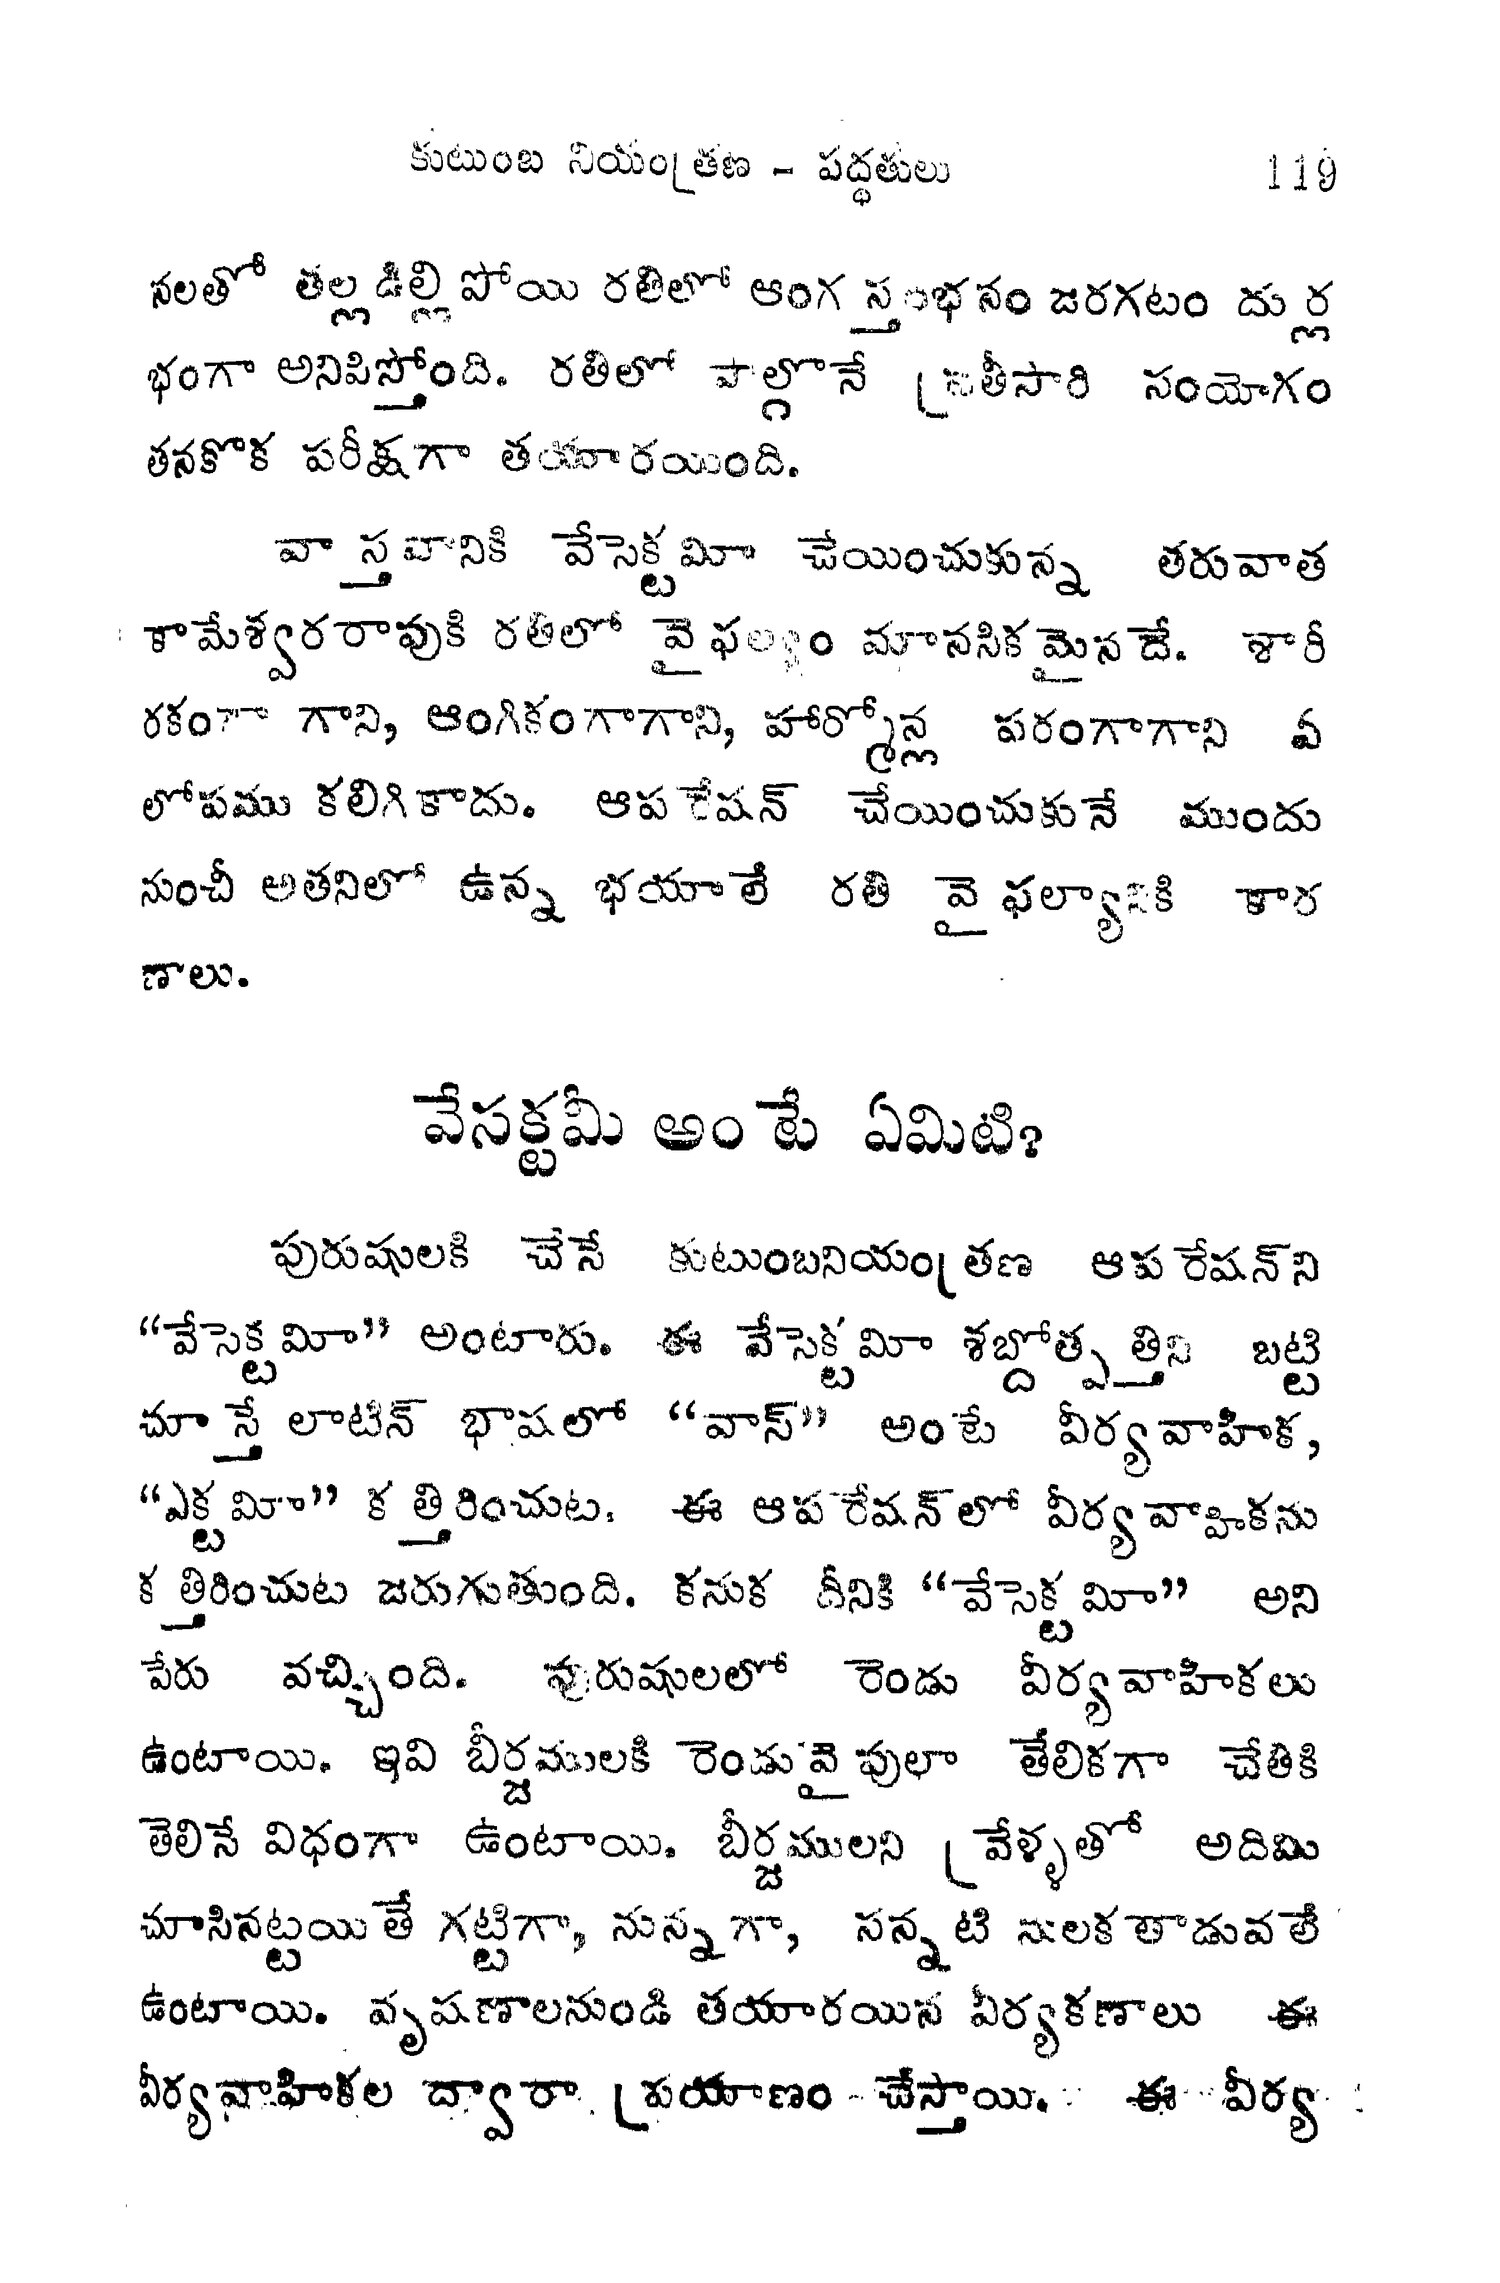నలతో తల్లడిల్లిపోయి రతిలో అంగస్తంబనం జరగటం దుర్లభంగా అనిపిస్తోంది. రతిలో పాల్గొనే బ్రతీసారి సంయోగం తనకొక పరీక్షగా తయారయింది.

వాస్తవానికి వేసక్టమీ చేయించుకున్న తరువాత కామేశ్వరరావుకి రతిలో వైఫల్యం మానసిక మైనదే. శారీరకంగా గాని, ఆంగికంగాగాని, హార్మోన్ల పరంగాగాని ఏ లోపము కలిగికాదు. ఆపరేషన్ చేయించుకునే ముందు నుంచీ అతనిలో ఉన్న భయాలే రతి వైఫల్యానికి కారణాలు.

పురుషులకి చేసే కుటుంబనియంత్రణ ఆపరేషన్‌ని 'వేసక్టమీ" అంటారు. ఈ వేసక్టమీ శబ్దోత్పత్తిని బట్టి చూస్తే లాటిన్ భాషలో "వాస్" అంటే వీర్యవాహిక, "ఎక్టమీ" కత్తిరించుట. ఈ ఆపరేషన్‌లో వీర్యవాహికను కత్తిరించుట జరుగుతుంది. కనుక దీనికి "వేసక్టమీ' అని పేరు వచ్చింది. పురుషులలో రెండు వీర్యవాహికలు ఉంటాయి. ఇవి బీర్జములకి రెండువైపులా తేలికగా చేతికి తెలిసే విధంగా ఉంటాయి. బీర్జములని వ్రేళ్ళతో అదిమి చూసినట్టయితే గట్టిగా, నున్నగా, సన్నటి నులకతాడువలే ఉంటాయి. వృషణాలనుండి తయారయిన వీర్యకణాలు ఈ వీర్యవాహికల ద్వారా ప్రయాణం చేస్తాయి. ఈ వీర్య